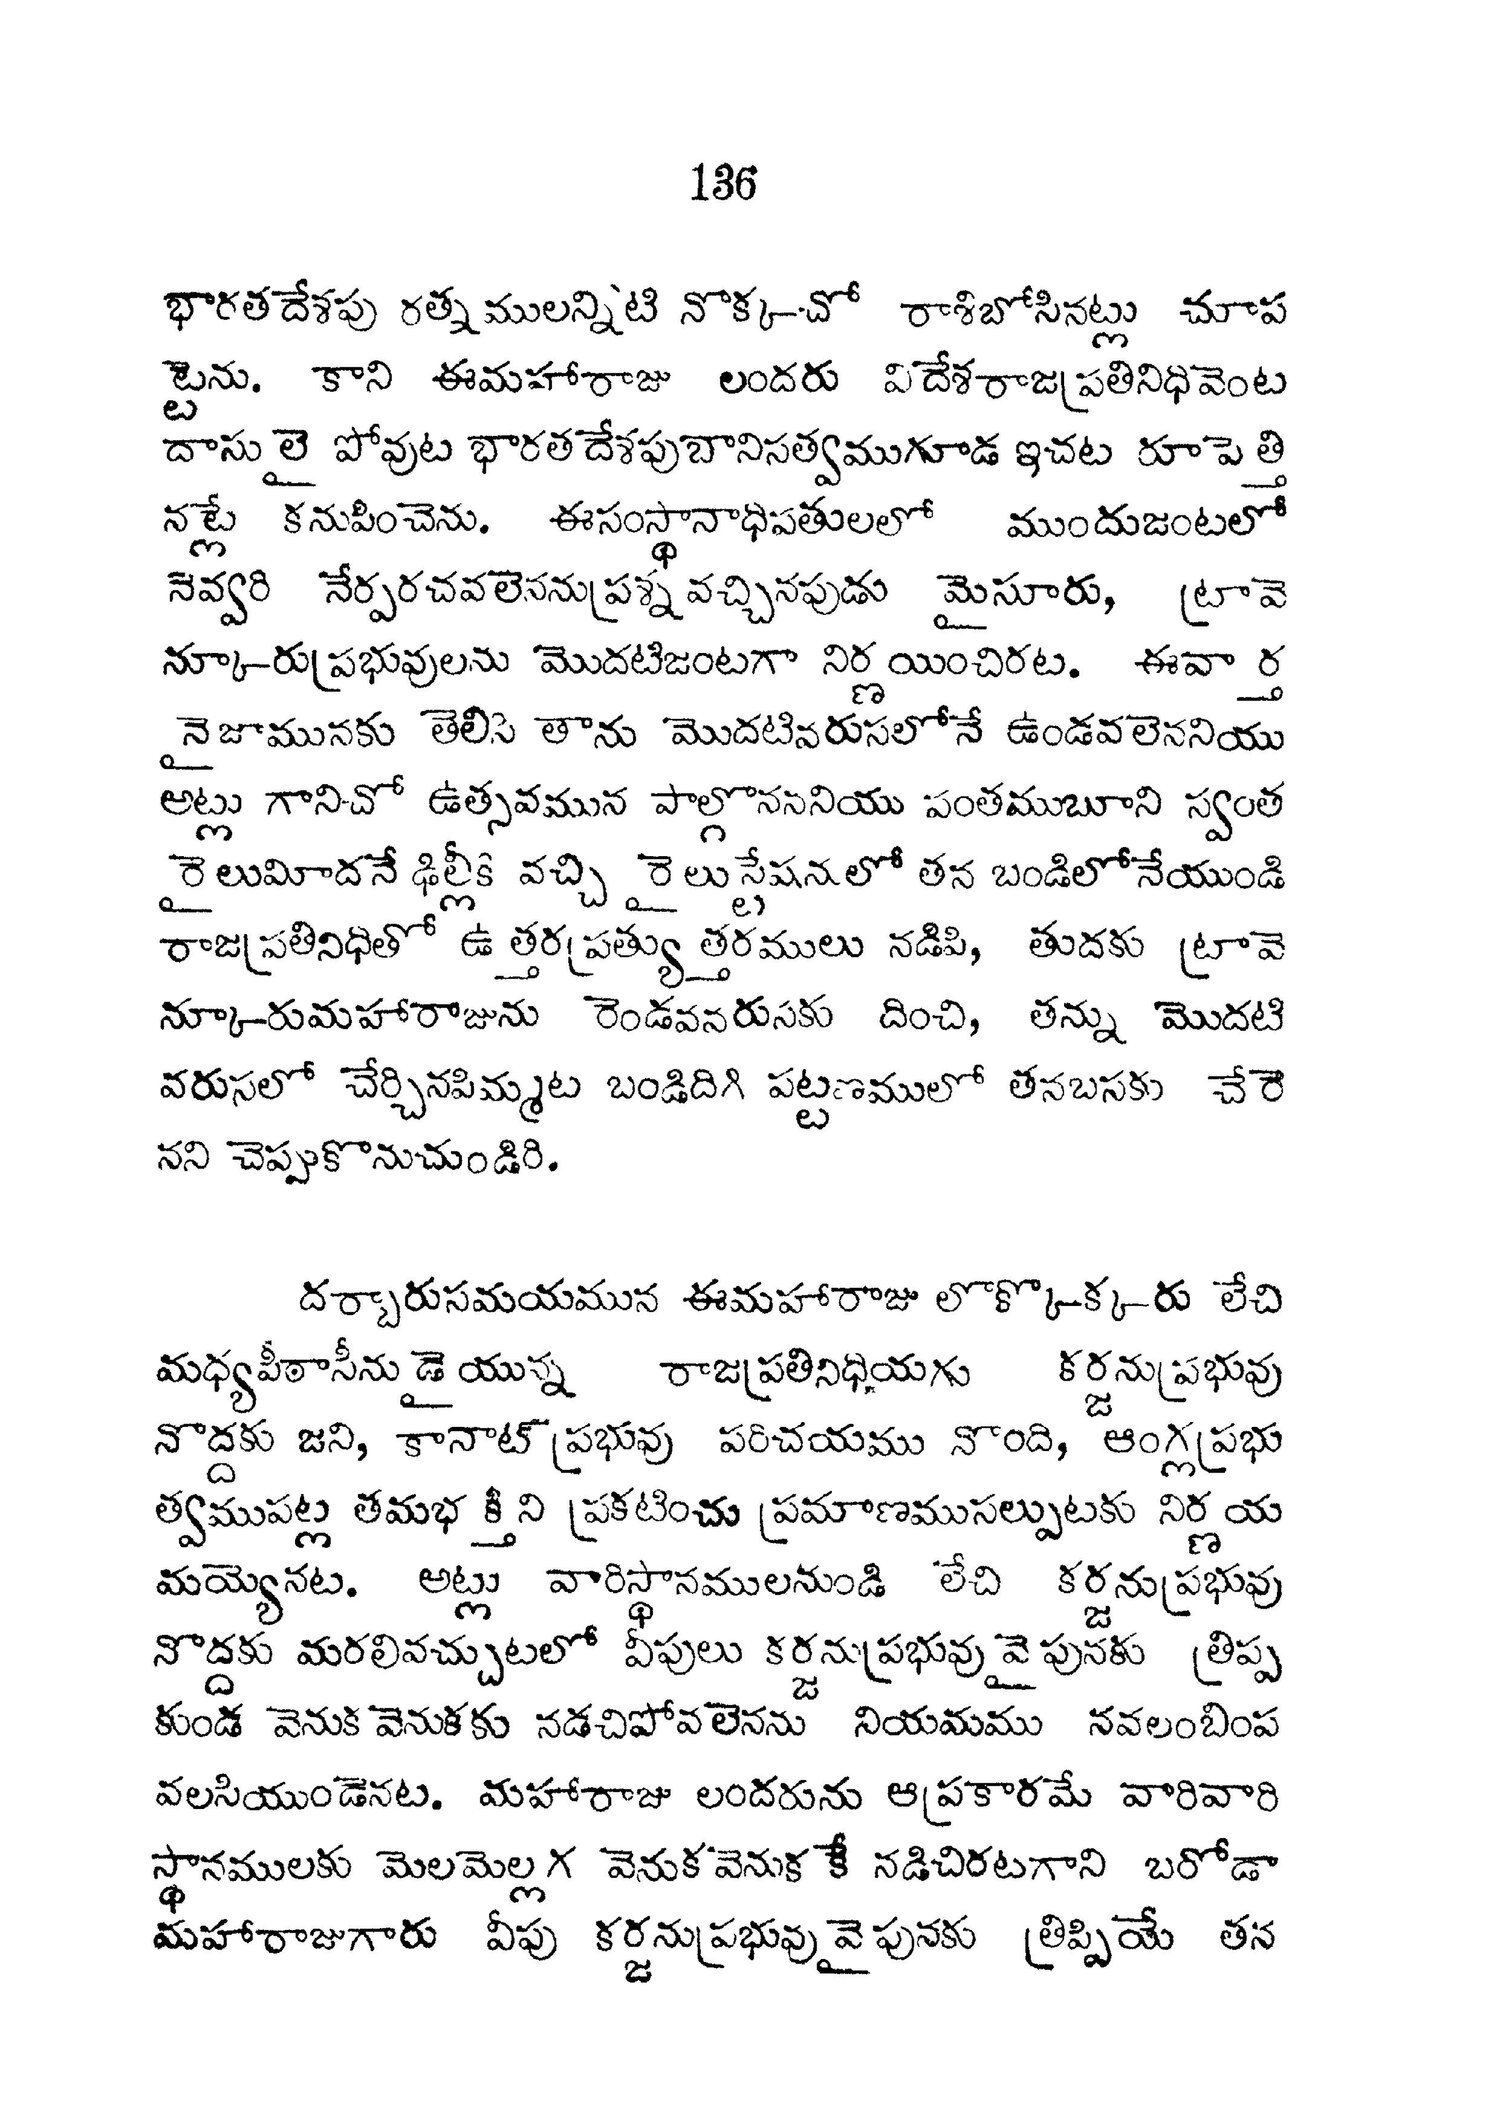భారతదేశపు రత్నములన్నిటి నొక్కచో రాశిబోసినట్లు చూపట్టెను. కాని ఈమహారాజు లందరు విదేశరాజప్రతినిధివెంట దాసులై పోవుట భారతదేశపుబానిసత్వముగూడ ఇచట రూపెత్తినట్లే కనుపించెను. ఈసంస్థానాధిపతులలో ముందుజంటలో నెవ్వరి నేర్పరచవలెననుప్రశ్న వచ్చినపుడు మైసూరు, ట్రావెన్కూరుప్రభువులను మొదటిజంటగా నిర్ణయించిరట. ఈవార్త నైజామునకు తెలిసి తాను మొదటివరుసలోనే ఉండవలెననియు అట్లుగానిచో ఉత్సవమున పాల్గొనననియు పంతముబూని స్వంత రైలుమీదనే డిల్లీకి వచ్చి రైలుస్టేషనులో తన బండిలోనేయుండి రాజప్రతినిధితో ఉత్తరప్రత్యుత్తరములు నడిపి, తుదకు ట్రావెన్కూరుమహారాజును రెండవవరుసకు దించి, తన్ను మొదటి వరుసలో చేర్చినపిమ్మట బండిదిగి పట్టణములో తనబసకు చేరెనని చెప్పుకొనుచుండిరి.

దర్బారుసమయమున ఈమహారాజు లొక్కొక్కరు లేచి మధ్యపీఠాసీనుడైయున్న రాజప్రతినిధియగు కర్జనుప్రభువు నొద్దకు జని, కానాట్‌ప్రభువు పరిచయము నొంది, ఆంగ్లప్రభుత్వముపట్ల తమభక్తిని ప్రకటించు ప్రమాణముసల్పుటకు నిర్ణయమయ్యెనట. అట్లు వారిస్థానములనుండి లేచి కర్జనుప్రభువు నొద్దకు మరలివచ్చుటలో వీపులు కర్జనుప్రభువువైపునకు త్రిప్పకుండ వెనుక వెనుకకు నడచిపోవలెనను నియమము నవలంబింప వలసియుండెనట. మహారాజు లందరును ఆప్రకారమే వారివారి స్థానములకు మెలమెల్లగ వెనుకవెనుకకే నడిచిరటగాని బరోడా మహారాజుగారు వీపు కర్జనుప్రభువువైపునకు త్రిప్పియే తన